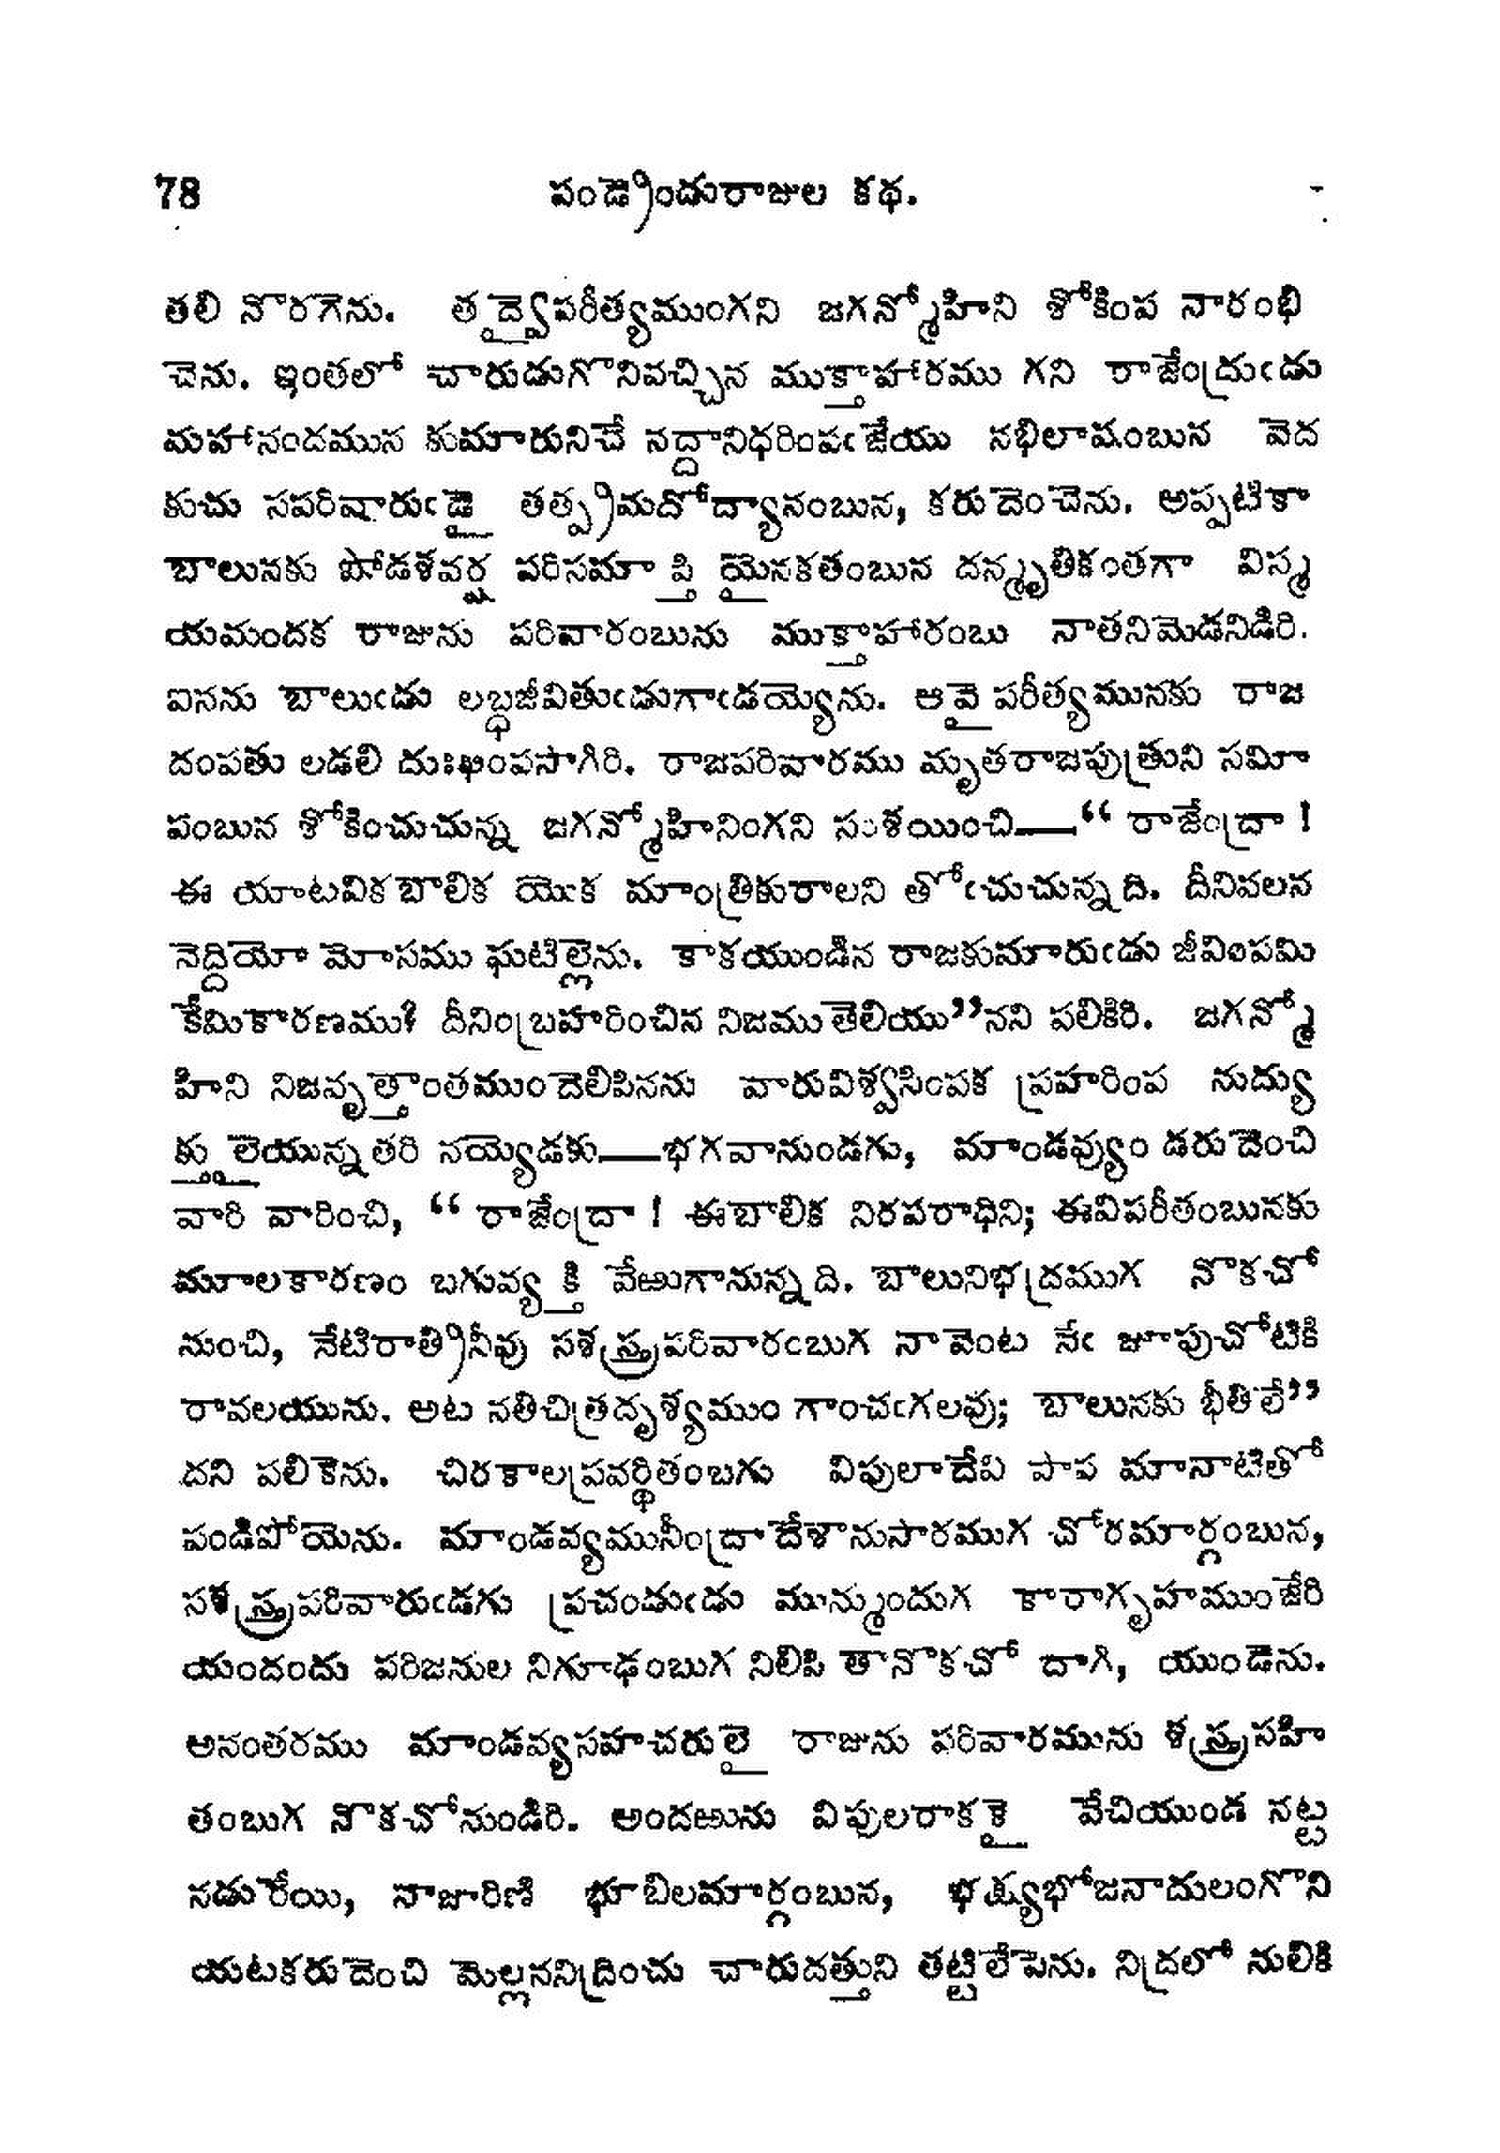తలి నొరగెను. తద్వైపరీత్యముంగని జగన్మోహిని శోకింప నారంభిచెను. ఇంతలో చారుడుగొనివచ్చిన ముక్తాహారము గని రాజేంద్రుఁడు మహానందమున కుమారునిచే నద్దానిధరింపఁ జేయు నభిలాషంబున వెదకుచు సపరివారుఁడై తత్ప్రమదోద్యానంబున, కరుదెంచెను. అప్పటికా బాలునకు పోడశవర్ష పరిసమాప్తి యైనకతంబున దన్మృతికంతగా విస్మ
యమందక రాజును పరివారంబును ముక్తాహారంబు నాతని మెడనిడిరి. ఐనను బాలుఁడు లబ్ధజీవితుఁడు గాఁడయ్యెను. ఆవైపరీత్యమునకు రాజదంపతు లడలి దుఃఖింపసాగిరి, రాజపరివారము మృతరాజపుత్రుని సమీపంబున శోకించుచున్న జగన్మోహినింగని సంశయించి——" రాజేంద్రా ! ఈ యాటవిక బాలిక యొక మాంత్రికురాలని తోఁచుచున్నది. దీనివలన
నెద్దియో మోసము ఘటిల్లెను. కాకయుండిన రాజకుమారుఁడు జీవింపమి కేమి కారణము? దీనింబ్రహరించిన నిజము తెలియు"నని పలికిరి. జగన్మోహిని నిజవ్రుత్తాంతముం దెలిపినను వారు విశ్వసింపక ప్రహరింప నుద్యుక్తులైయున్న తరి నయ్యెడకు—— భగవానుండగు, మాండవ్యుం డరు దెంచి వారి వారించి, “ రాజేంద్రా ! ఈ బాలిక నిరపరాధిని; ఈవిపరీతంబునకు మూలకారణం బగువ్యక్తి వేఱుగానున్నది. బాలునిభద్రముగ నొకచో నుంచి, నేటి రాత్రి నీవు సశస్త్ర పరివారంబుగ నా వెంట నేఁ జూపుచోటికి రావలయును. అట నతిచిత్ర దృశ్యముం గాంచఁగలవు; బాలునకు భీతిలే"
దని పలికెను. చిరకాలప్రవర్ణితంబగు విపులాదేవి పాప మానాటితో పండిపోయెను. మాండవ్యమునీంద్రాదేశానుసారముగ చోరమార్గంబున, సశస్త్రపరివారుఁడగు ప్రచండుఁడు మున్ముందుగ కారాగృహముం జేరి యందందు పరిజనుల నిగూఢంబుగ నిలిపి తానొకచో దాగి, యుండెను. అనంతరము మాండవ్య సహచరులై రాజును పరివారమును శస్త్ర సహితంబుగ నొకచోనుండిరి. అందఱును విపులరాకకై వేచియుండ నట్ట నడు రేయి, నాజారిణి భూబిలమార్గంబున, భక్ష్యభోజనాదులంగొని
యటకరుదెంచి మెల్లననిద్రించు చారుదత్తుని తట్టి లేపెను. నిద్రలో నులికి